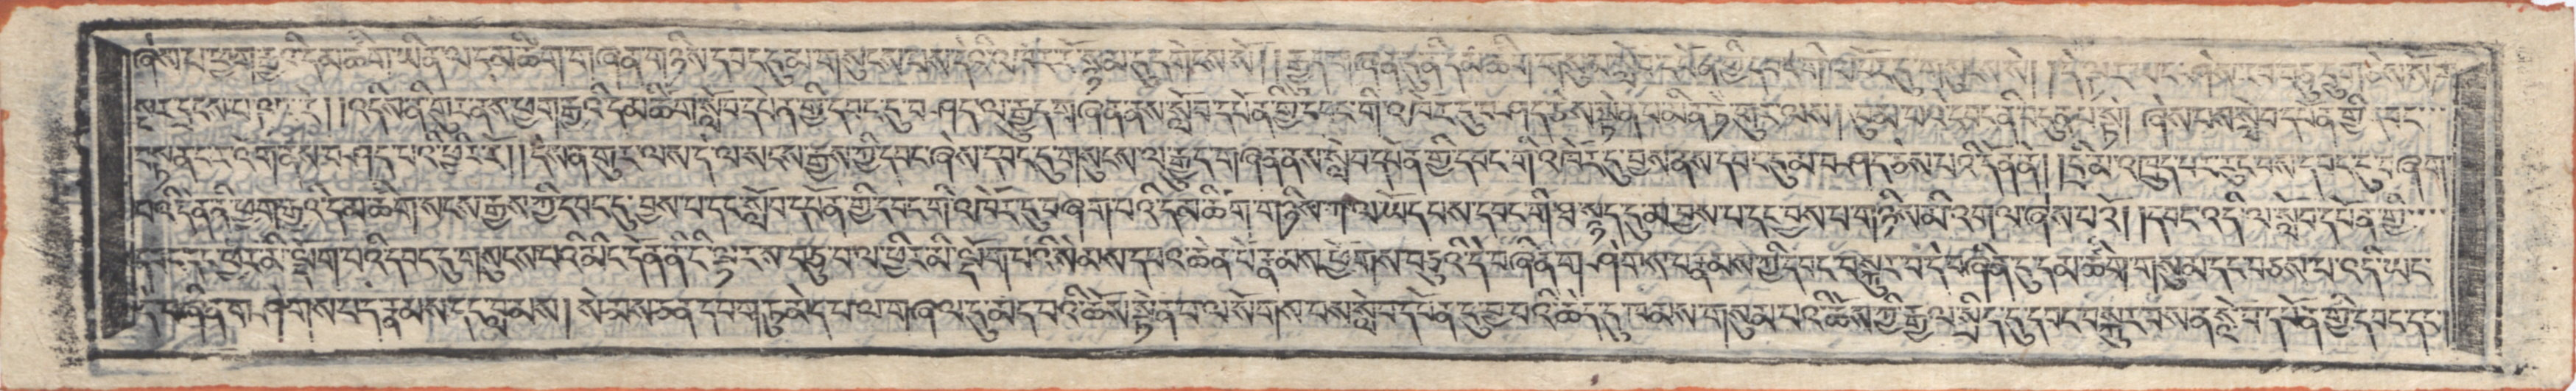ཞེས་པ་ཕྱག་རྒྱའི་དམ་ཚིག་ཡིན་ལ་དམ་ཚིག་གཞན་གཉིས་དབང་དུ་མ་གསུངས་པས་དེའི་འཁོར་རོ་སྙམ་དུ་དགོངས་སོ། །རྒྱུད་གཞན་དུ་ནི་དམ་ཚིག་གསུམ་སློབ་དཔོན་གྱི་དབང་གི་འཁོར་དུ་གསུངས་སོ། །དེ་ལྟར་ཡང་ཤེས་རབ་བཅུ་དྲུག་ཅེས་སོགས་
སྔར་དྲངས་པ་ལྟར་རོ། །འདིས་ནི་གུར་ནས་ཕྱག་རྒྱའི་དམ་ཚིག་སློབ་དཔོན་གྱི་དབང་དུ་བཤད་ལ་རྒྱུད་གཞན་ནས་སློབ་དཔོན་གྱི་དབང་གི་འཁོར་དུ་བཤད་ཅེས་སྟོན་པ་མིན་ཏེ་གུར་ལས། བུམ་པའི་དབང་ནི་བདུན་པ་སྟེ། ཞེས་པས་སློབ་དཔོན་གྱི་དབང་
བསྟན་པར་འོག་ནས་བཤད་པའི་ཕྱིར་རོ། །དེས་ན་གུར་ལས་དེ་ལ་སངས་རྒྱས་ཀྱི་དབང་ཞེས་དབང་དུ་གསུངས་ལ་རྒྱུད་གཞན་ནས་སློབ་དཔོན་གྱི་དབང་གི་འཁོར་དུ་བྱས་ནས་དབང་དུ་མ་བཤད་ཅེས་པའི་དོན་ནོ། །དྲི་མ་འཁྲུད་པར་རུང་བས་དབང་དུ་བཞག་
པའི་དོན་ནི་ཕྱག་རྒྱའི་དམ་ཚིག་སངས་རྒྱས་ཀྱི་དབང་དུ་བྱས་པ་དང་སློབ་དཔོན་གྱི་དབང་གི་འཁོར་དུ་བཞག་པའི་དམ་ཚིག་གཉིས་ཀ་ལ་ཡོད་པས་དབང་གི་ཐ་སྙད་དུ་མ་བྱས་པ་དང་བྱས་པ་གཉིས་མི་འགལ་ཞེས་པའོ། །དབང་འདི་ལ་སློབ་དཔོན་གྱི་
དབང་དང་ཕྱིར་མི་ལྡོག་པའི་དབང་དུ་གསུངས་པའི་མིང་དོན་ནི་ཇི་ལྟར་ས་བཅུ་པ་ལ་ཕྱིར་མི་ལྡོག་པའི་སེམས་དཔའ་ཆེན་པོ་རྣམས་ཕྱོགས་བཅུའི་དེ་བཞིན་གཤེགས་པ་རྣམས་ཀྱི་དབང་བསྐུར་བ་དེ་བཞིན་དུ་དམ་ཚིག་གསུམ་དང་བཅས་པ་འདི་ཡང་
དེ་བཞིན་གཤེགས་པ་དེ་རྣམས་དང་བླ་མས། སེམས་ཅན་དཔག་ཏུ་མེད་པ་ལ་གཞལ་དུ་མེད་པའི་ཆོས་སྟོན་པ་ལ་སོགས་པས་སློབ་དཔོན་དུ་བྱ་བའི་ཆེད་དུ་ཁམས་གསུམ་པའི་ཆོས་ཀྱི་རྒྱལ་སྲིད་དུ་དབང་བསྐུར་བས་ན་སློབ་དཔོན་གྱི་དབང་དང་།